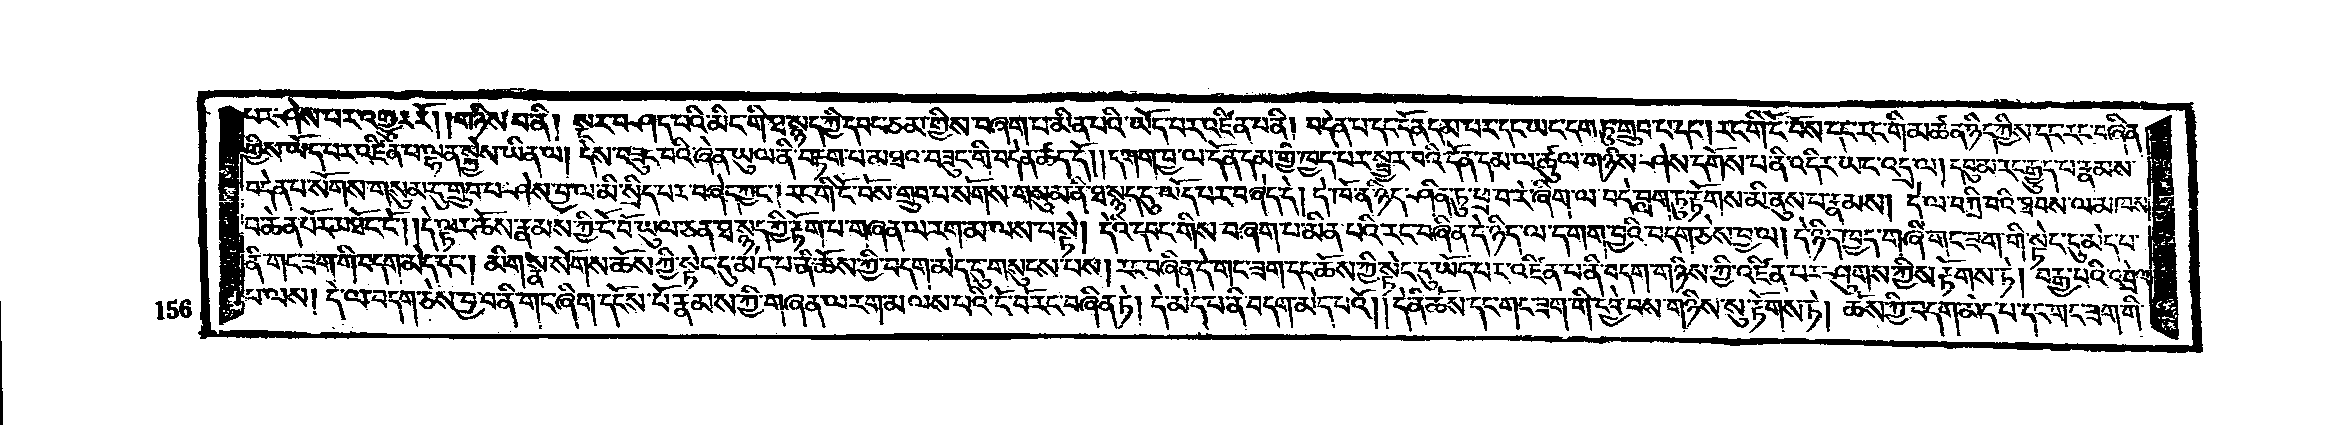པར་ཤེས་པར་འགྱུར་རོ། །གཉིས་པ་ནི། སྔར་བཤད་པའི་མིང་གི་ཐ་སྙད་ཀྱི་དབང་ཙམ་གྱིས་བཞག་པ་མིན་པའི་ཡོད་པར་འཛིན་པ་ནི། བདེན་པ་དང་དོན་དམ་པར་དང་ཡང་དག་ཏུ་གྲུབ་པ་དང་། རང་གི་ངོ་བོས་དང་རང་གི་མཚན་ཉིད་ཀྱིས་དང་རང་བཞིན་
གྱིས་ཡོད་པར་འཛིན་པ་ལྷན་སྐྱེས་ཡིན་ལ། དེས་བཟུང་བའི་ཞེན་ཡུལ་ནི་བརྟག་པ་མཐའ་བཟུང་གི་བདེན་ཚད་དོ། །དགག་བྱ་ལ་དོན་དམ་གྱི་ཁྱད་པར་སྦྱར་བའི་དོན་དམ་ལ་ཚུལ་གཉིས་ཤེས་དགོས་པ་ནི་འདིར་ཡང་འདྲ་ལ། དབུ་མ་རང་རྒྱུད་པ་རྣམས་
བདེན་པ་སོགས་གསུམ་དུ་གྲུབ་པ་ཤེས་བྱ་ལ་མི་སྲིད་པར་བཞེད་ཀྱང་། རང་གི་ངོ་བོས་གྲུབ་པ་སོགས་གསུམ་ནི་ཐ་སྙད་དུ་ཡོད་པར་བཞེད་དེ། དེ་ཁོ་ན་ཉིད་ཤིན་ཏུ་ཕྲ་བ་རེ་ཞིག་ལ་བདེ་བླག་ཏུ་རྟོགས་མི་ནུས་པ་རྣམས། དེ་ལ་བཀྲི་བའི་ཐབས་ལ་མཁས་
པ་ཆེན་པོར་མཐོང་ངོ། །དེ་ལྟར་ཆོས་རྣམས་ཀྱི་ངེ་བོ་ཡུལ་ཅན་ཐ་སྙད་ཀྱི་རྟོག་པ་གཞན་ལ་རག་མ་ལས་པ་སྟེ། དེའི་དབང་གིས་བཞག་པ་མིན་པའི་རང་བཞིན་དེ་ཉིད་ལ་དགག་བྱའི་བདག་ཅེས་བྱ་ལ། དེ་ཉིད་ཁྱད་གཞི་གང་ཟག་གི་སྟེང་དུ་མེད་པ་
ནི་གང་ཟག་གི་བདག་མེད་དང་། མིག་སྣ་སོགས་ཆོས་ཀྱི་སྟེང་དུ་མེད་པ་ནི་ཆོས་ཀྱི་བདག་མེད་དུ་གསུངས་པས། རང་བཞིན་དེ་གང་ཟག་དང་ཆོས་ཀྱི་སྟེང་དུ་ཡོད་པར་འཛིན་པ་ནི་བདག་གཉིས་ཀྱི་འཛིན་པར་ཤུགས་ཀྱིས་རྟོགས་ཏེ། བརྒྱ་པའི་འགྲེལ་
པ་ལས། དེ་ལ་བདག་ཅེས་བྱ་བ་ནི་གང་ཞིག་དངོས་པོ་རྣམས་ཀྱི་གཞན་ལ་རག་མ་ལས་པའི་ངོ་བོ་རང་བཞིན་ཏེ། དེ་མེད་པ་ནི་བདག་མེད་པའོ། །དེ་ནི་ཆོས་དང་གང་ཟག་གི་དབྱེ་བས་གཉིས་སུ་རྟོགས་ཏེ། ཆོས་ཀྱི་བདག་མེད་པ་དང་གང་ཟག་གི་